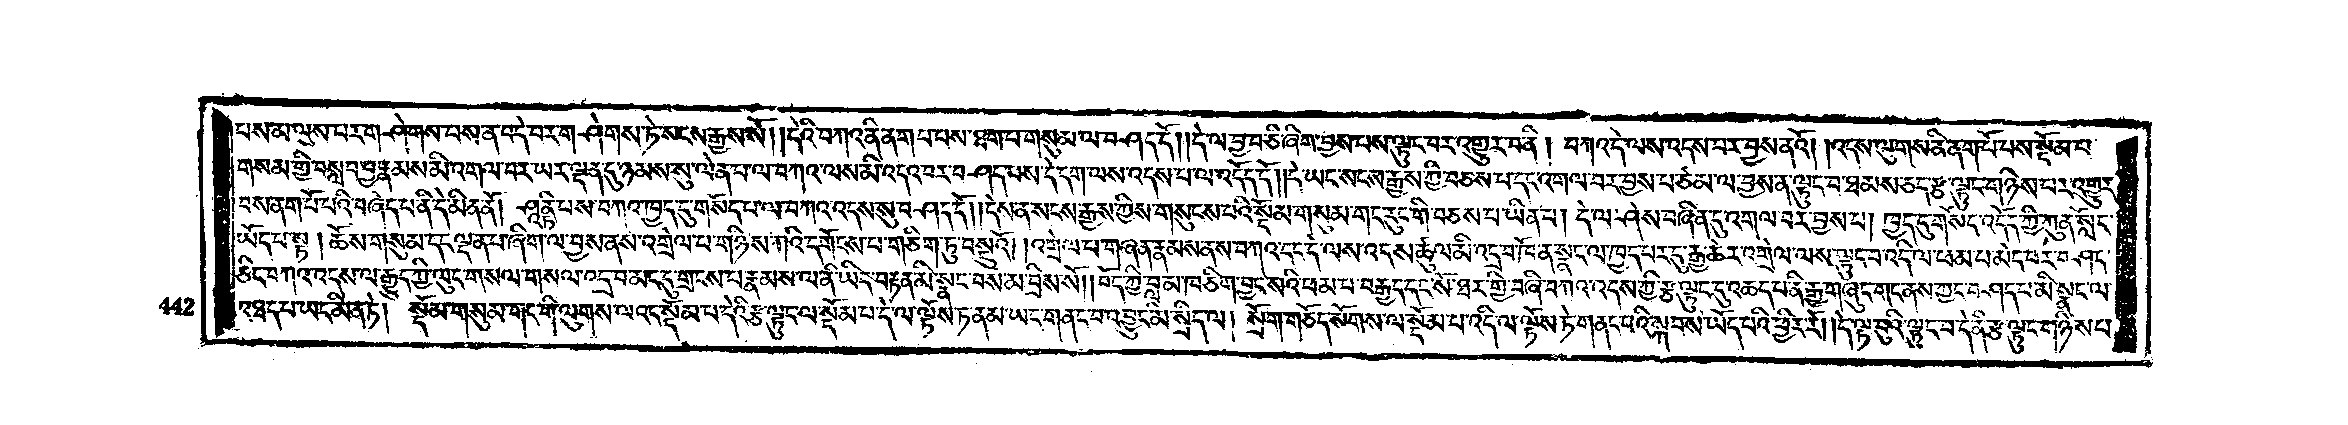པས་མ་ལུས་པར་གཤེགས་པས་ན་བདེ་བར་གཤེགས་ཏེ་སངས་རྒྱས་སོ། །དེའི་བཀའ་ནི་ནག་པ་པས་ཐག་པ་གསུམ་ལ་བཤད་དོ། །དེ་ལ་བྱ་བ་ཅི་ཞིག་བྱས་པས་ལྟུང་བར་འགྱུར་བ་ནི། བཀའ་དེ་ལས་འདས་པར་བྱས་ནའོ། །འདས་ལུགས་ནི་ནག་པོ་པས་སྡོམ་པ་
གསམ་གྱི་བསླབ་བྱ་རྣམས་མི་འགལ་བར་ཡར་ལྡན་དུ་ཉམས་སུ་ལེན་པ་ལ་བཀའ་ལས་མི་འདའ་བར་བཤད་པས་དེ་དག་ལས་འདས་པ་ལ་འདོད་དོ། །དེ་ཡང་སངས་རྒྱས་ཀྱི་བཅས་པ་དང་འགལ་བར་བྱས་པ་ཙམ་ལ་བྱས་ན་ལྟུང་བ་ཐམས་ཅད་རྩ་ལྟུང་གཉིས་པར་འགྱུར་
བས་ནག་པོ་པའི་བཞེད་པ་ནི་དེ་མིན་ནོ། ཤཱནྟི་པས་བཀའ་ཁྱད་དུ་གསོད་པ་ལ་བཀའ་འདས་སུ་བཤད་དོ། །དེས་ན་སངས་རྒྱས་ཀྱིས་གསུངས་པའི་སྡོམ་གསུམ་གང་རུང་གི་བཅས་པ་ཡིན་པ། དེ་ལ་ཤེས་བཞིན་དུ་འགལ་བར་བྱས་པ། ཁྱད་དུ་གསོད་འདོད་ཀྱི་ཀུན་སློང་
ཡོད་པ་སྟེ། ཆོས་གསུམ་དང་ལྡན་པ་ཞིག་ལ་བྱས་ནས་འགྲེལ་པ་གཉིས་ཀའི་དགོངས་པ་གཅིག་ཏུ་བསྡུའོ། །འགྲེལ་པ་གཞན་རྣམས་ནས་བཀའ་དང་དེ་ལས་འདས་ཚུལ་མི་འདྲ་བ་ཁོ་ན་སྣང་ལ་ཁྱད་པར་དུ་རྒྱ་ཆེར་འགྲེལ་ལས་ལྟུང་བ་འདི་ལ་ཕམ་པ་མེད་པར་བཤད་
ཅིང་བཀའ་འདས་ལ་རྒྱུད་ཀྱི་ལུང་གསལ་གསལ་འདྲ་བ་མང་དུ་གྲངས་པ་རྣམས་ལ་ནི་ཡིད་བརྟེན་མི་སྣང་བས་མ་བྲིས་སོ། །བོད་ཀྱི་བླ་མ་ཁ་ཅིག་བྱང་སའི་ཕམ་པ་བརྒྱད་དང་སོ་ཐར་གྱི་བཞི་བཀའ་འདས་ཀྱི་རྩ་ལྟུང་དུ་འཆད་པ་ནི་རྒྱ་གཞུང་གང་ནས་ཀྱང་བཤད་པ་མི་སྣང་ལ་
འཐད་པ་ཡང་མིན་ཏེ། སྡོམ་གསུམ་གང་གི་ལུགས་ལའང་སྡོམ་པ་དེའི་རྩ་ལྟུང་ལ་སྡོམ་པ་དེ་ལ་ལྟོས་ཏ་ནམ་ཡང་གནང་བ་འབྱུང་མི་སྲིད་ལ། སྲོག་གཅོད་སོགས་ལ་སྡོམ་པ་འདི་ལ་ལྟོས་ཏེ་གནང་བའི་སྐབས་ཡོད་པའི་ཕྱིར་རོ། །དེ་ལྟ་བུའི་ལྟུང་བ་དེ་ནི་རྩ་ལྟུང་གཉིས་པ་